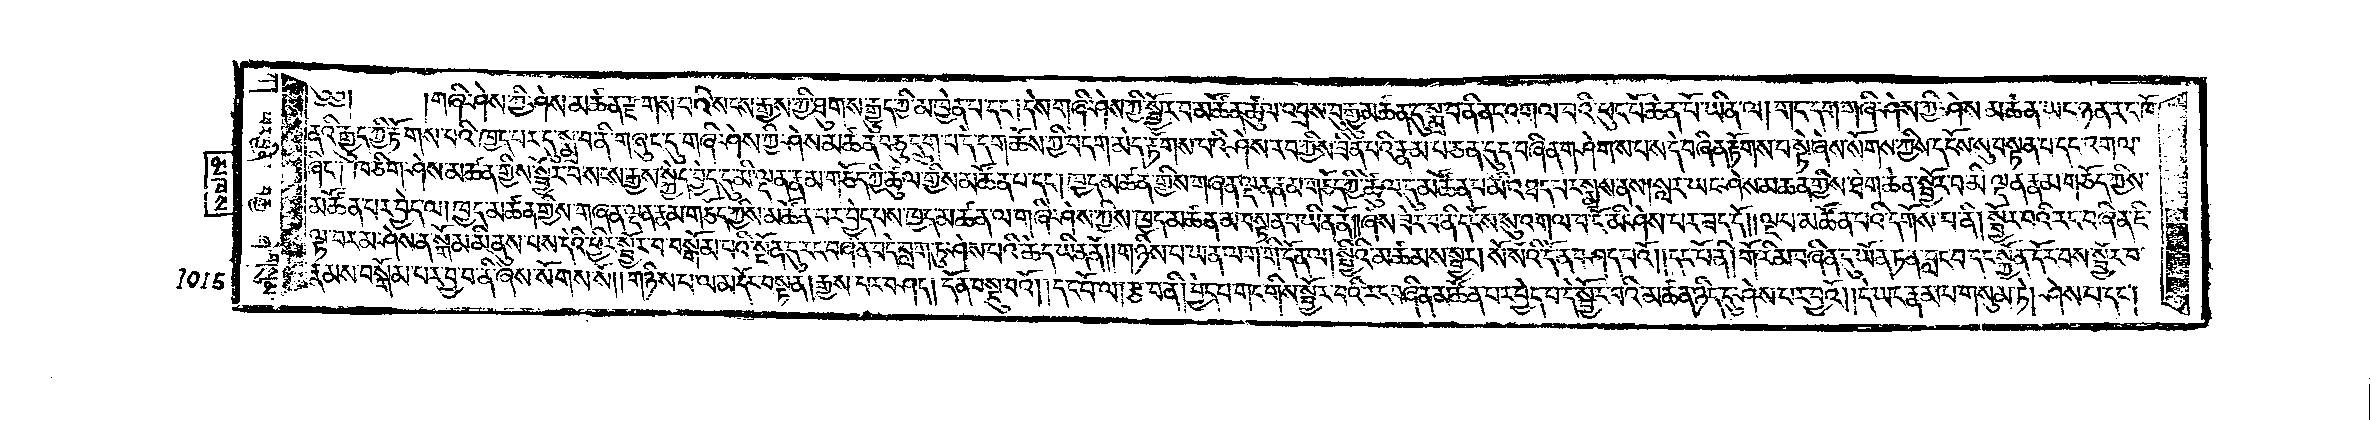༄༅། །གཞི་ཤེས་ཀྱི་ཤེས་མཚན་རྫོགས་པའི་སངས་རྒྱས་ཀྱི་ཐུགས་རྒྱུད་ཀྱི་མཁྱེན་པ་དང་། དེས་གཞི་ཤེས་ཀྱི་སྦྱོར་བ་མཚོན་ཚུལ་འབྲས་བུ་རྒྱུ་མཚན་དུ་སྨྲ་བ་ནི་ནང་འགལ་བའི་ཕུང་པོ་ཆེན་པོ་ཡིན་ལ། གང་དག་གཞི་ཤེས་ཀྱི་ཤེས་མཚན་ཡང་ཉན་རང་ཁོ་
ནའི་རྒྱུད་ཀྱི་རྟོགས་པའི་ཁྱད་པར་དུ་སྨྲ་བ་ནི་གཞུང་དུ་གཞི་ཤེས་ཀྱི་ཤེས་མཚན་བཅུ་དྲུག་པ་དེ་དག་ཆོས་ཀྱི་བདག་མེད་རྟོགས་པའི་ཤེས་རབ་ཀྱིས་ཟིན་པའི་རྣམ་པ་ཅན་དུ་དེ་བཞིན་གཤེགས་པས་དེ་བཞིན་རྟོགས་པ་སྟེ་ཞེས་སོགས་ཀྱིས་དངོས་སུ་བསྟན་པ་དང་འགལ་
ཞིང༑ ཁ་ཅིག་ཤེས་མཚན་གྱིས་སྦྱོར་བ་སངས་རྒྱས་སྐྱེད་བྱེད་དུ་མི་ལྡན་རྣམ་གཅོད་ཀྱི་ཚུལ་གྱིས་མཚོན་པ་དང་། ཁྱད་མཚན་གྱིས་གཞན་ལྡན་རྣམ་གཅོད་ཀྱི་ཚུལ་དུ་མཚོན་པ་མི་འཐད་པར་སྨྲས་ནས། སླར་ཡང་ཤེས་མཚན་གྱིས་ཐེག་ཆེན་སྦྱོར་བ་མི་ལྡན་རྣམ་གཅོད་ཀྱིས་
མཚོན་པར་བྱེད་ལ། ཁྱད་མཚན་གྱིས་གཞན་ལྡན་རྣམ་གཅོད་ཀྱིས་མཚོན་པར་བྱེད་པས་ཁྱད་མཚན་ལ་གཞི་ཤེས་ཀྱིས་ཁྱད་མཚན་མ་བསྟན་པ་ཡིན་ནོ། །ཞེས་ཟེར་བ་ནི་དངོས་སུ་འགལ་བ་ངོ་མི་ཤེས་པར་ཟད་དོ། །ལྔ་པ་མཚོན་པའི་དགོས་པ་ནི། སྦྱོར་བའི་རང་བཞིན་ཇི་
ལྟ་བར་མ་ཤེས་ན་སྒོམ་མི་ནུས་པས་དེའི་ཕྱིར་སྦྱོར་བ་སྒོམ་པའི་སྔོན་དུ་རང་བཞིན་བདེ་བླག་ཏུ་ཤེས་པའི་ཆེད་ཡིན་ནོ། །གཉིས་པ་ཡན་ལག་གི་དོན་ལ། སྤྱིའི་མཚམས་སྦྱར། སོ་སོའི་དོན་བཤད་པའོ། །དང་པོ་ནི། གོ་རིམ་བཞིན་དུ་ཡོན་ཏན་བླང་བ་དང་སྐྱོན་དོར་བས་སྦྱོར་བ་
རྣམས་བསྒོམ་པར་བྱ་བ་ནི་ཞེས་སོགས་སོ། །གཉིས་པ་ལ་མདོར་བསྟན། རྒྱས་པར་བཤད། དོན་བསྡུ་བའོ། །དང་པོ་ལ། རྩ་བ་ནི། བྱེད་པ་གང་གིས་སྦྱོར་བའི་རང་བཞིན་མཚོན་པར་བྱེད་པ་དེ་སྦྱོར་བའི་མཚན་ཉིད་དུ་ཤེས་པར་བྱའོ། །དེ་ཡང་རྣམ་པ་གསུམ་ཏེ། ཤེས་པ་དང་།